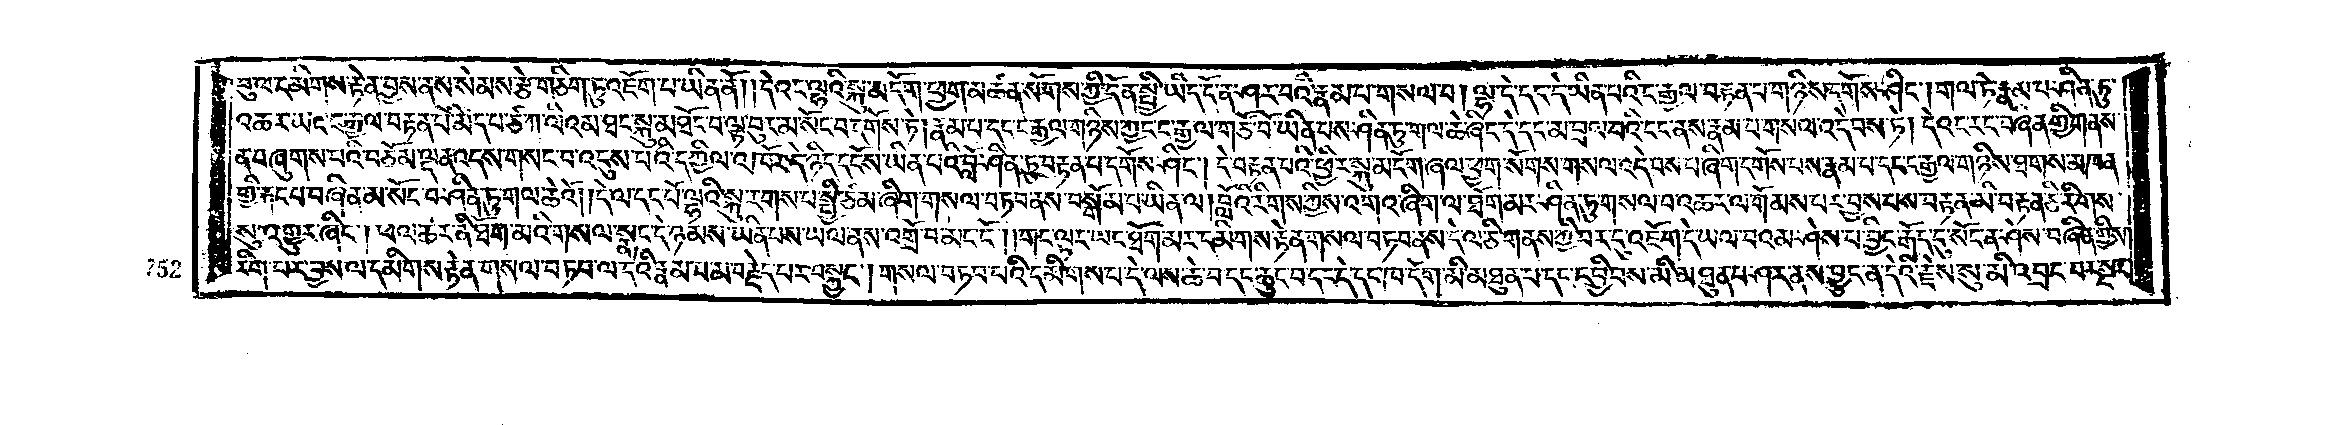བུ་ལ་དམིགས་རྟེན་བྱས་ནས་སེམས་རྩེ་གཅིག་ཏུ་འཇོག་པ་ཡིན་ནོ། །དེའང་ལྷའི་སྐུ་མདོག་ཕྱག་མཚན་སོགས་ཀྱི་དོན་སྤྱི་ཡིད་ངོ་ན་ཤར་བའི་རྣམ་པ་གསལ་བ། ལྷ་དེ་དང་དེ་ཡིན་པའི་ང་རྒྱལ་བརྟན་པ་གཉིས་དགོས་ཤིང་། གལ་ཏེ་རྣམ་པ་ཤིན་ཏུ་
འཆར་ཡང་ང་རྒྱལ་བརྟན་པོ་མེད་པ་ཙ་ཀ་ལིའམ་ཐང་སྐུ་མཐོང་བ་ལྟ་བུར་མ་སོང་བ་དགོས་ཏེ། རྣམ་པ་དང་ང་རྒྱལ་གཉིས་ཀྱང་ང་རྒྱལ་གཙོ་བོ་ཡིན་པས་ཤིན་ཏུ་གལ་ཆེ་ཞིང་དེ་དང་མ་བྲལ་བའི་ངང་ནས་རྣམ་པ་གསལ་འདེབས་ཏེ། དེའང་རང་བཞིན་གྱི་གནས་
ན་བཞུགས་པའི་བཅོམ་ལྡན་འདས་གསང་བ་འདུས་པའི་དཀྱིལ་འཁོར་དེ་ཉིད་དངོས་ཡིན་པའི་བློ་ཤིན་ཏུ་བརྟན་པ་དགོས་ཤིང་། དེ་བརྟན་པའི་ཕྱིར་སྐུ་མདོག་ཞལ་ཕྱག་སོགས་གསལ་འདེབས་པ་ཞིག་དགོས་པས་རྣམ་པ་དང་ང་རྒྱལ་གཉིས་ཐགས་མཁན་
གྱི་རྐང་པ་བཞིན་མ་སོང་བ་ཤིན་ཏུ་གལ་ཆེའོ། །དེ་ལ་དང་པོ་ལྷའི་སྐུ་རགས་པ་སྤྱི་ཙམ་ཞིག་གསལ་བཏབ་ནས་བསྒོམ་པ་ཡིན་ལ། བློའི་རིགས་ཀྱིས་འགའ་ཞིག་ལ་ཐོག་མར་ཤིན་ཏུ་གསལ་བ་འཆར་ལ་གོམས་པར་བྱས་པས་བརྟན་མི་བརྟན་ཅི་རིགས་
སུ་འགྱུར་ཞིང་། ཕལ་ཆེར་ནི་ཐོག་མའི་གསལ་སྣང་དེ་ཉམས་ཡིན་པས་ཡལ་ནས་འགྲོ་བ་མང་ངོ། །གང་ལྟར་ཡང་ཐོག་མར་དམིགས་རྟེན་གསལ་བཏབ་ནས་དེ་ལ་ཅི་གནས་ཀྱི་བར་དུ་འཇོག་དེ་ཡལ་བའམ་ཤེས་པ་བྱིང་རྒོད་དུ་སོང་ན་ཤེས་བཞིན་གྱིས་
རིག་པར་བྱས་ལ་དམིགས་རྟེན་གསལ་བཏབ་ལ་དེའི་རྣམ་པ་མ་བརྗེད་པར་བསྐྱང་། གསལ་བཏབ་པའི་དམིགས་པ་དེ་ལས་ཆེ་བ་དང་ཆུང་བ་དང་དེ་དང་ཁ་དོག་མི་མཐུན་པ་དང་དབྱིབས་མི་མཐུན་པ་ཤར་ནས་བྱུང་ན་དེའི་རྗེས་སུ་མི་འབྲང་བར་སྔར་